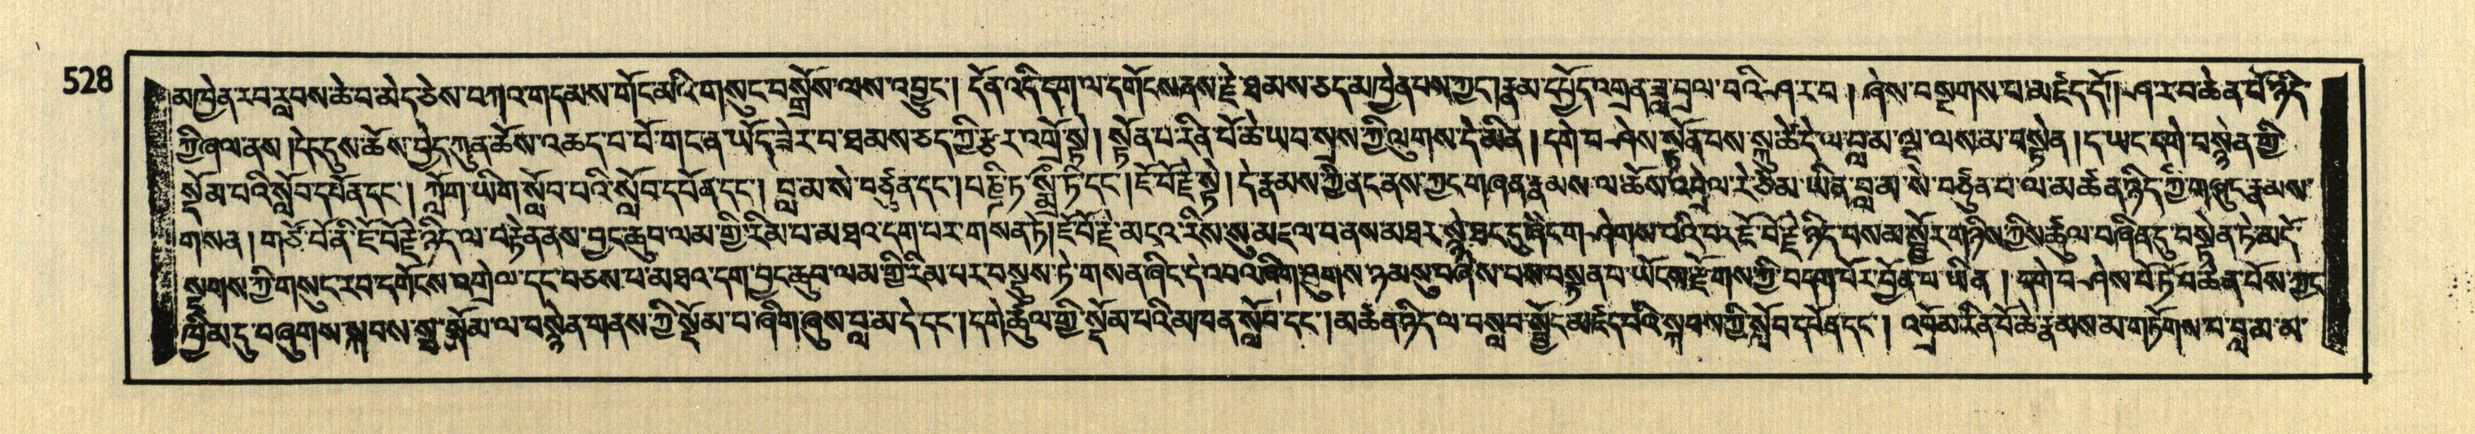མཁྱེན་རབ་རླབས་ཆེ་བ་མེད་ཅེས་བཀའ་གདམས་གོང་མའི་གསུང་བསྒྲོས་ལས་འབྱུང་། དོན་འདི་དག་ལ་དགོངས་ནས་རྗེ་ཐམས་ཅད་མཁྱེན་པས་ཀྱང་། རྣམ་དཔྱོད་འགྲན་ཟླ་བྲལ་བའི་ཤ་ར་བ། ཞེས་བསྔགས་པ་མཛད་དོ། །ཤ་ར་བ་ཆེན་པོ་ཉིད་
ཀྱི་ཞལ་ནས། དེང་དུས་ཆོས་བྱེད་ཀུན་ཆོས་འཆད་བ་པོ་གང་ན་ཡོད་ཟེར་བ་ཐམས་ཅད་ཀྱི་རྩར་འགྲོ་སྟེ། སྟོན་པ་རིན་པོ་ཆེ་ཡབ་སྲས་ཀྱི་ལུགས་དེ་མིན། དགེ་བཤེས་སྟོན་བས་སྐུ་ཚེ་དེ་ལ་བླ་མ་ལྔ་ལས་མ་བསྟེན། ད་ཡང་དགེ་བསྙེན་གྱི་
སྡོམ་པའི་སློབ་དཔོན་དང་། ཀློག་ཡིག་སློབ་པའི་སློབ་དཔོན་དང་། བླ་མ་སེ་བཙུན་དང་། པཎྜི་ཏ་སྨྲྀ་ཏི་དང་། ཇོ་བོ་རྗེ་སྟེ། དེ་རྣམས་ཀྱི་ནང་ནས་ཀྱང་གཞན་རྣམས་ལ་ཆོས་འབྲེལ་རེ་ཙམ་ཡིན་བླ་མ་སེ་བཙུན་པ་ལ་མཚན་ཉིད་ཀྱི་གཞུང་རྣམས་
གསན། གཙོ་བོ་ནི་ཇོ་བོ་རྗེ་ཉིད་ལ་བརྟེན་ནས་བྱང་ཆུབ་ལམ་གྱི་རིམ་པ་མཐའ་དག་པར་གསན་ཏེ། ཇོ་བོ་རྗེ་མངའ་རིས་སུ་མཇལ་བ་ནས་མཐར་སྙེ་ཐང་དུ་ཞིང་གཤེགས་པའི་བར་ཇོ་བོ་རྗེ་ཉིད་བསམ་སྦྱོར་གཉིས་ཀྱིས་ཚུལ་བཞིན་དུ་བསྟེན་དེ་མདོ་
སྔགས་ཀྱི་གསུང་རབ་དགོངས་འགྲེལ་དང་བཅས་པ་མཐའ་དག་བྱང་ཆུབ་ལམ་གྱི་རིམ་པར་བསྡུས་ཏེ་གསན་ཞིང་དེ་འབའ་ཞིག་ཐུགས་ཉམས་སུ་བཞེས་བས་བསྟན་པ་ཡོངས་རྫོགས་ཀྱི་བདག་པོར་བྱོན་པ་ཡིན། དགེ་བཤེས་པོ་ཏོ་བ་ཆེན་བོས་ཀྱང་
ཁྱིམ་དུ་བཞུགས་སྐབས་སྲུ་སྒོམ་ལ་བསྙེན་གནས་ཀྱི་སྡོམ་པ་ཞིག་ཞུས་བླ་མ་དེ་དང་། དགེ་ཚུལ་གྱི་སྡོམ་པའི་མཁན་སློབ་དང་།མཚན་ཉིད་ལ་བསླབ་སྦྱོང་མཛད་པའི་སྐབས་ཀྱི་སློབ་དཔོན་དང་། འབྲོམ་རིན་པོ་ཆེ་རྣམས་མ་གཏོགས་བ་བླ་མ་མ་